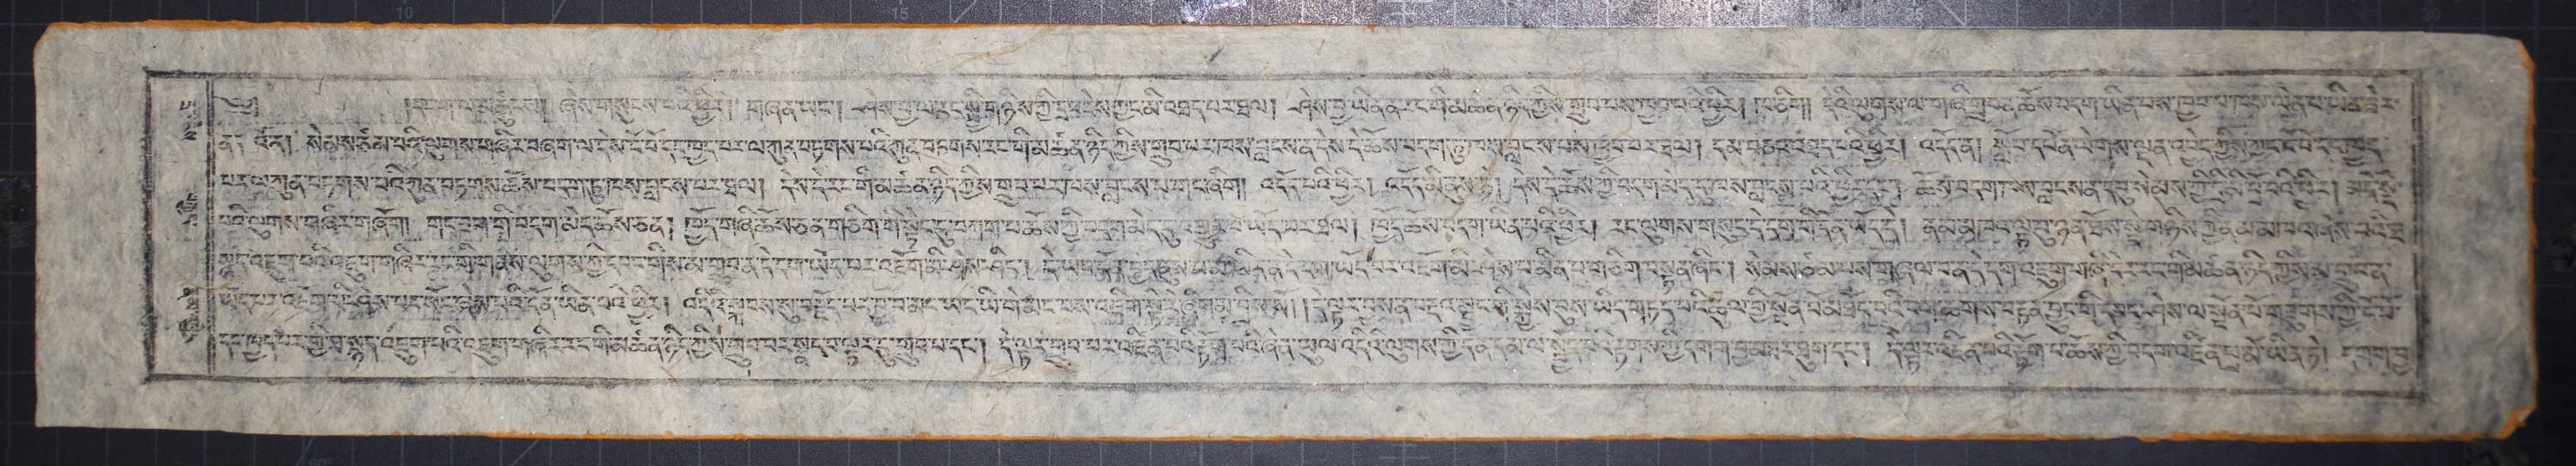༄༅། །དང་ག་ལ་མཚུངས། ཞེས་གསུངས་པའི་ཕྱིར། གཞན་ཡང་། ཤེས་བྱ་ལ་རང་སྤྱི་གཉིས་ཀྱི་དྲང་ངེས་ཀྱང་མི་འཐད་པར་ཐལ། ཤེས་བྱ་ཡིན་ན་རང་གི་མཚན་ཉིད་ཀྱིས་གྲུབ་པས་ཁྱབ་པའི་ཕྱིར། ཁ་ཅིག །དེའི་ལུགས་ལ་གཞི་གྲུབ་ན་ཆོས་བདག་ཡིན་པས་ཁྱབ་པ་ཁས་ལེན་པ་ཡིན་ཟེར་
ན༑ འོ་ན། སེམས་ཙམ་པའི་ལུགས་གཞིར་བཞག་ལ་དེས་ངོ་བོ་དང་ཁྱད་པར་ལ་ཀུན་བཏགས་པའི་ཀུན་བཏགས་རང་གི་མཚན་ཉིད་ཀྱིས་གྲུབ་པར་ཁས་བླངས་ན་དེས་དེ་ཆོས་བདག་ཏུ་ཁས་བླངས་པས་ཁྱབ་པར་ཐལ། དམ་བཅའ་འཐད་པའི་ཕྱིར། འདོད་ན། སློབ་དཔོན་ལེགས་ལྡན་འབྱེད་ཀྱིས་ཀྱང་ངོ་བོ་དང་ཁྱད་
པར་ལ་ཀུན་བཏགས་པའི་ཀུན་བཏགས་ཆོས་བདག་ཏུ་ཁས་བླངས་པར་ཐལ། དེས་དེ་རང་གི་མཚན་ཉིད་ཀྱིས་གྲུབ་པར་ཁས་བླངས་པ་གང་ཞིག །འདོད་པའི་ཕྱིར། འདོད་མི་ནུས་ཏེ། དེས་དེ་ཆོས་ཀྱི་བདག་མེད་དུ་ཁས་བླངས་པའི་ཕྱིར་དང་། ཆོས་བདག་ཁས་བླངས་ན་དབུ་སེམས་ཀྱི་དྲི་མི་བྲོ་བའི་ཕྱིར། མདོ་སྡེ་
པའི་ལུགས་གཞིར་གཞོག །གང་ཟག་གི་བདག་མེད་ཆོས་ཅན། ཁྱོད་གཞི་ཆོས་ཅན་གཅིག་གི་སྟེང་དུ་བཀག་པ་ཆོས་ཀྱི་བདག་མེད་དུ་འགྱུར་བ་ཡོད་པར་ཐལ། ཁྱོད་ཆོས་བདག་ཡིན་པའི་ཕྱིར། རང་ལུགས་གསུང་དེ་དག་གི་དོན་ཡོད་དེ། ནམ་མཁའ་ལྟ་བུ་ཉན་ཐོས་སྡེ་གཉིས་ཀྱི་ནམ་མཁའ་ཞེས་པའི་ཐ་
སྙད་འཇུག་པའི་འཇུག་གཞིར་རང་གི་གནས་ལུགས་ཀྱི་དབང་གིས་མ་གྲུབ་ན་དེ་དག་ཡོད་པར་འཇོག་མི་ཤེས་ཤིང་། དེ་ཡང་དོན་བྱེད་ནུས་པ་མ་ཡིན་ན་དེ་དག་ཡོད་པར་འཇོག་མི་ཤེས་པ་མིན་པ་གཅིག་བསྟན་ཞིང་། སེམས་ཙམ་པས་གཞལ་བ་ན་དེ་དག་འཇུག་གཞི་དེར་རང་གི་མཚན་ཉིད་ཀྱིས་མ་གྲུབ་ན་
ཡོད་པར་འཇོག་མི་ཤེས་པར་སོང་ཞེས་པའི་དོན་ཡིན་པའི་ཕྱིར། འདིའི་སྐབས་སུ་བརྗོད་པར་བྱ་བ་མང་ཡང་ཡི་གེ་མང་བས་འཇིགས་སྟེ་རེ་ཞིག་མ་བྲིས་སོ། །དེ་ལྟར་བྱས་ན་བརྡའ་སྦྱང་གི་སྐྱེས་བུས་ཡིད་གཏད་པའི་ཚུལ་གྱི་སྔོན་པོ་མཐོང་བའི་བག་ཆགས་བརྟན་བྱུང་གི་དབང་ཤེས་ལ་སྔོན་པོ་གཟུགས་ཀྱི་ངོ་བོ་
དང་ཁྱད་པར་གྱི་ཐ་སྙད་འཇུག་པའི་འཇུག་གཞིར་རང་གི་མཚན་ཉིད་ཀྱིས་གྲུབ་པར་སྣང་བ་ལྟར་དུ་གྲུབ་པ་དང་། དེ་ལྟར་གྲུབ་པར་འཛིན་པའི་རྟོག་པའི་ཞེན་ཡུལ་འདིའི་ལུགས་ཀྱི་དོན་དམ་ལ་སྤྱོད་པའི་རྟགས་ཀྱི་དགག་བྱ་མཐར་ཐུག་དང་། དེ་ལྟར་འཛིན་པའི་རྟོག་པ་ཆོས་ཀྱི་བདག་འཛིན་ཕྲ་མོ་ཡིན་ཏེ། དགག་བྱ་